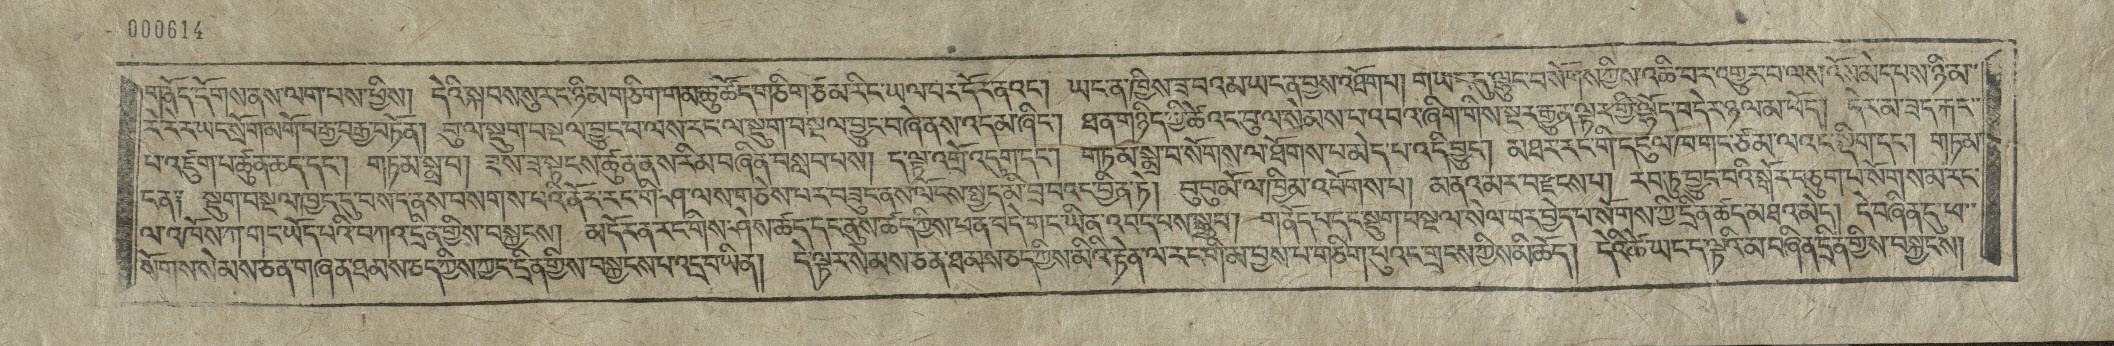གནོད་དོགས་ནས་ལག་པས་ཕྱིས། དེའི་སྐབས་སུ་རང་ཉི་མ་གཅིག་གམ་ཆུ་ཚོད་གཅིག་ཙམ་རིང་ཡལ་བར་དོར་ནའང་། ཡང་ན་ཁྱིས་ཟ་བའམ་ཡང་ན་བྱས་འཐོག་པ། གཡང་དུ་ལྷུང་བ་སོགས་ཀྱིས་འཆི་བར་འགྱུར་བ་ལས་འོས་མེད་པས་ཉི་མ་
རེ་རེར་ཡང་སྲོག་མགོ་བརྒྱ་བརྒྱ་བཏོན། བུ་ལ་སྡུག་བསྔལ་བྱུང་བ་ལས་རང་ལ་སྡུག་བསྔལ་བྱུང་བ་ཞེ་ནས་འདམ་ཞིང་། ཐ་ན་གཉིད་ཀྱི་ཚེ་འང་བུ་ལ་སེམས་པ་འབའ་ཞིག་གིས་སྔར་རྒྱུན་ལྟར་གྱི་ལྷོད་བདེར་ཉལ་མ་ཕོད། དེར་མ་ཟད་རྐང་
པ་འཛུག་པ་ཚུན་ཆད་དང་། གཏམ་སྨྲ་བ། ཟས་ཟ་སྟངས་ཚུན་ནས་རིམ་བཞིན་བསླབ་པས། ད་ལྟ་འགྲོ་འདུག་དང་། གཏམ་སྨྲ་བ་སོགས་ལ་ཐོགས་པ་མེད་པ་འདི་བྱུང་། མཐར་རང་གི་དངུལ་ཁ་གང་ཙམ་ལའང་སྡིག་དང་། གཏམ་
ངན༑ སྡུག་བསྔལ་ཁྱད་དུ་བསད་ནས་བསགས་པའི་ནོར་རང་གི་ཤ་ལས་གཅེས་པར་བཟུང་ནས་ལོངས་སྤྱད་མི་བྲ་བའང་བྱིན་ཏེ། བུ་བུ་མོ་ལ་ཁྱིམ་འབོགས་པ། མནའ་མར་བརྫངས་པ། རབ་ཏུ་བྱུང་བའི་སྒོར་བཅུག་པ་སོགས་མ་རང་
ལ་འཁོས་ཀ་གང་ཡོད་པའི་བཀའ་དྲིན་གྱིས་བསྐྱངས། མདོར་ན་རང་གིས་ཤེས་ཚད་དང་ནུས་ཚད་ཀྱིས་ཕན་བདེ་གང་ཡིན་འབད་པས་སྒྲུབ། གནོད་པ་དང་སྡུག་བསྔལ་སེལ་བར་བྱེད་པ་སོགས་ཀྱི་དྲིན་ཚད་མཐའ་མེད། དེ་བཞིན་དུ་ཕ་
སོགས་སེམས་ཅན་གཞན་ཐམས་ཅད་ཀྱིས་ཀྱང་དྲིན་གྱིས་བསྐྱངས་པ་འདྲ་བ་ཡིན། དེ་ལྟར་སེམས་ཅན་ཐམས་ཅད་ཀྱིས་མིའི་རྟེན་ལ་རང་གི་མ་བྱས་པ་གཅིག་པུ་འང་གྲངས་ཀྱིས་མི་ཆོད། དེའི་ཚེ་ཡང་ད་ལྟའི་མ་བཞིན་དྲིན་གྱིས་བསྐྱངས།